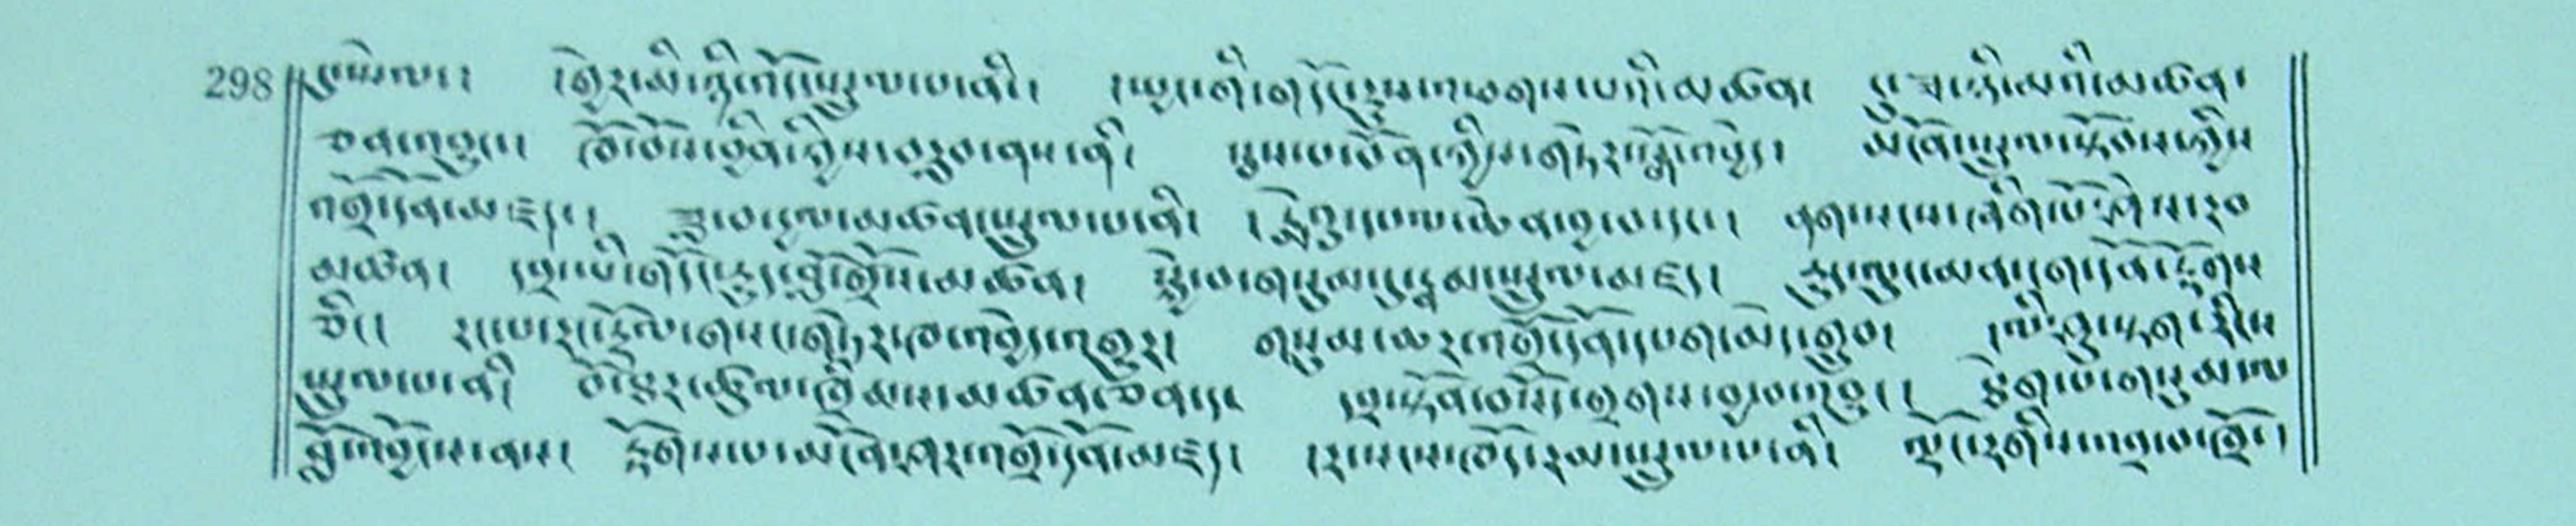དུ་སྤེལ། གྱེར་མི་ཉི་འོད་སྤྲུལ་པ་ནི། གཡང་གི་གདོང་རུང་འཕགས་པའི་མཚན། དུ་ཟ་ཉི་མའི་མཚན་
ཅན་འབྱུང་། ཁོ་བོས་བྱིན་གྱིས་རླབས་ནས་ནི། སྦས་པའི་བོན་གྱི་གཏེར་སྒོ་འབྱེད། མངོན་སྤྲུལ་སྟོབས་ཀྱི་
འགྲོ་དོན་མཛད། ཟླ་བ་རྒྱལ་མཚན་སྤྲུལ་པ་ནི། རྨེའུ་དཔལ་ཆེན་བྱ་བ་འབྱུང་། ནག་སངས་ཞིག་པོ་ཤེས་རབ་
མཚན། དབྲ་ཡི་གདོང་རྒྱུད་བློ་གྲོས་མཚན། སྐྱེ་བ་གསུམ་དུ་རྣམ་སྤྲུལ་མཛད། རྒྱུད་ལུང་མན་ངག་དོན་རྟོགས་
ཅིང་། རང་པ་རང་རྡོལ་གསང་གཏེར་ཁ་འབྱེད་འགྱུར། གསུམ་ཆར་འགྲོ་དོན་དཔག་མེད་འགྲུབ། ལི་ཤུ་སྟག་རིང་
སྤྲུལ་པ་ནི། བོ་ཐར་ཚུལ་ཁྲིམས་མཚན་ཅན་དང་། དཔྲ་སྟོན་བསོད་གྲགས་བྱ་བ་འབྱུང་། ཐེག་པ་གསུམ་ལ་
བློ་འབྱོངས་ནས། རྟོགས་པ་མངོན་ཤར་འགྲོ་དོན་མཛད། ར་སངས་ཁོད་རམ་སྤྲུལ་པ་ནི། ལྡོང་རིགས་འབྲ་བ་ཁྲོ་